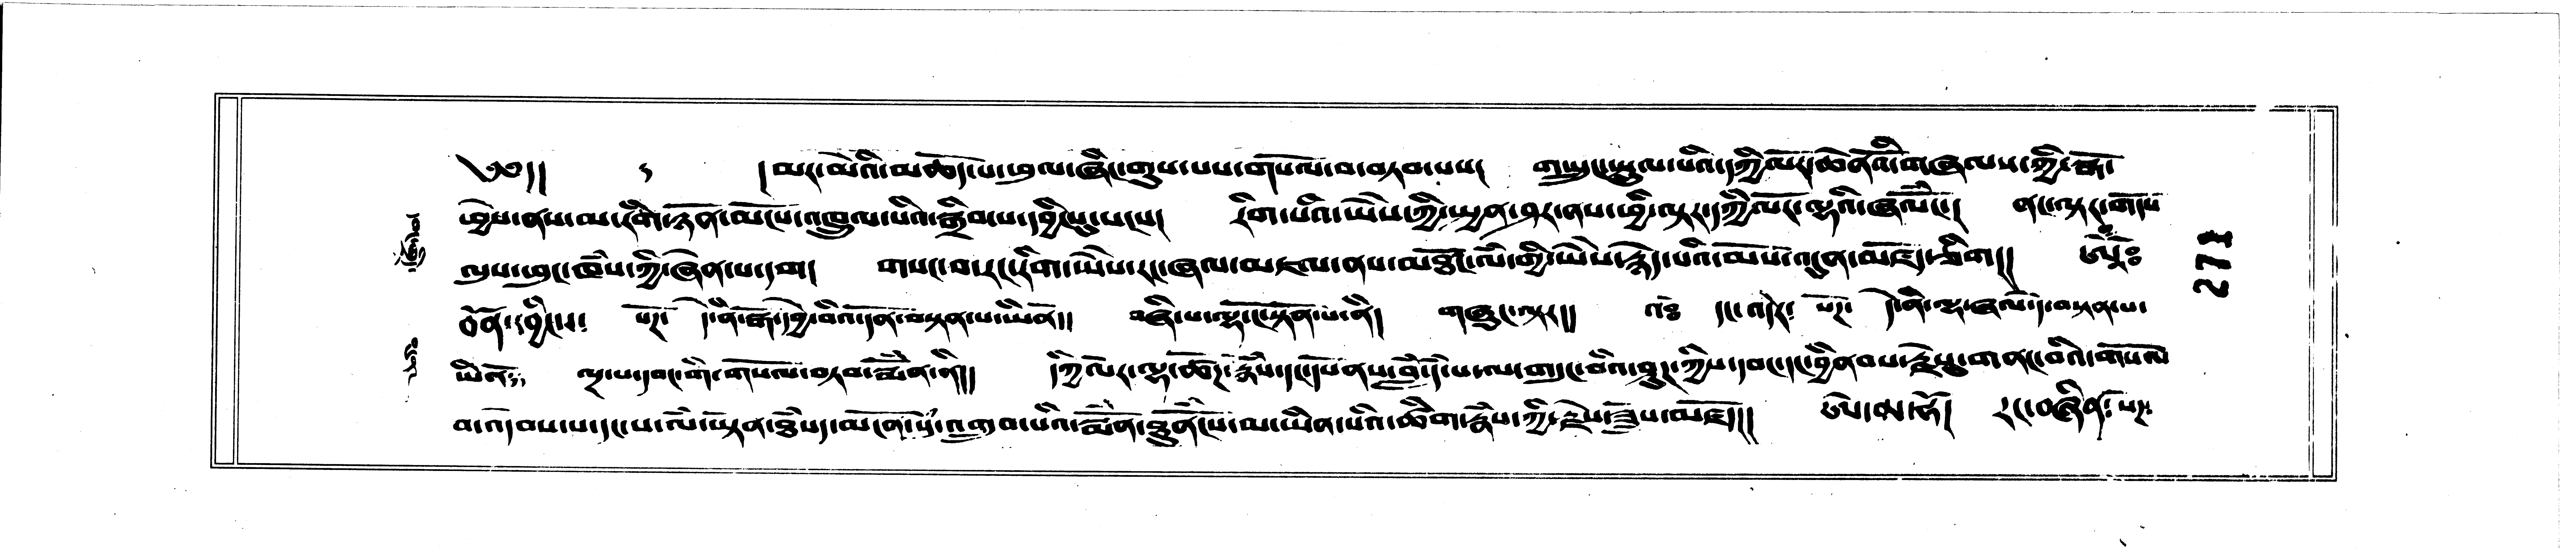མར་མེའི་མཆོད་པ་ཕུལ་ཞིང་གུས་པས་གསོལ་བ་བཏབ་པས། གཡུང་དྲུང་སྤྲུལ་པའི་གཞལ་ཡས་ཀྱི་སྒོ་
ཕྱེས་ནས་མ་རིག་ཉོན་མོངས་འཁྲུལ་པའི་སྒྲིབ་པ་དབྱིངས་སུ་སངས། རིག་པའི་ཡེ་ཤེས་ཀྱི་སྤྱན་ཤར་ནས་ཕྱི་ལྟར་དཀྱིལ་འཁོར་ལྷ་ཡི་ཞལ་མཐོང་། ནང་ལྟར་གདོས་
ལུས་ཕུང་ཁམས་ཀྱི་ཞེན་པ་དག གསང་བ་རང་རིག་ཡེ་ཤེས་རང་ཞལ་མཇལ་ནས་མཐོང་ལམ་གྱི་ཡེ་ཤེས་རྙེད་པའི་མོས་འདུན་མཛོད་ཅིག། ཨཱོྃ་
བོན་དབྱིངས་སོགས། དེ་ནི་སྒོ་དབྱེ་བའི་དོན་བསྟན་པ་ཡིན་ནོ། བཞི་པ་ལྷ་ངོ་སྟོན་པ་ནི། གཞུང་ལྟར། འོ་དེང་འདིར། སོགས། དེ་ནི་ལྷ་ཞལ་དེ་བསྟན་པ་
ཡིན་ནོ། ལྔ་པ་དབང་གི་གསོལ་བཏབ་སྨོན་ལམ་ནི། དཀྱིལ་འཁོར་ལྷ་ཚོགས་རྣམས་དང་དཔོན་གསས་བླ་མ་དམ་པ་ལ་གདུང་བའི་ཤུགས་ཀྱིས་དབང་དང་བྱིན་རླབས་རྗེས་སུ་གནང་བའི་གསོལ་
བ་འདེབས་པ་དང་ས་ལམ་ཡོན་ཏན་ཐམས་ཅད་མངོན་སུམ་འགྲུབ་པའི་སྨོན་ལམ་ཐུན་མོང་མ་ཡིན་པའི་ཚིག་རྣམས་ཀྱིས་རྗེས་ཟློས་མཛོད། ཨེ་མ་ཧོ། རང་བཞིན་སོགས།